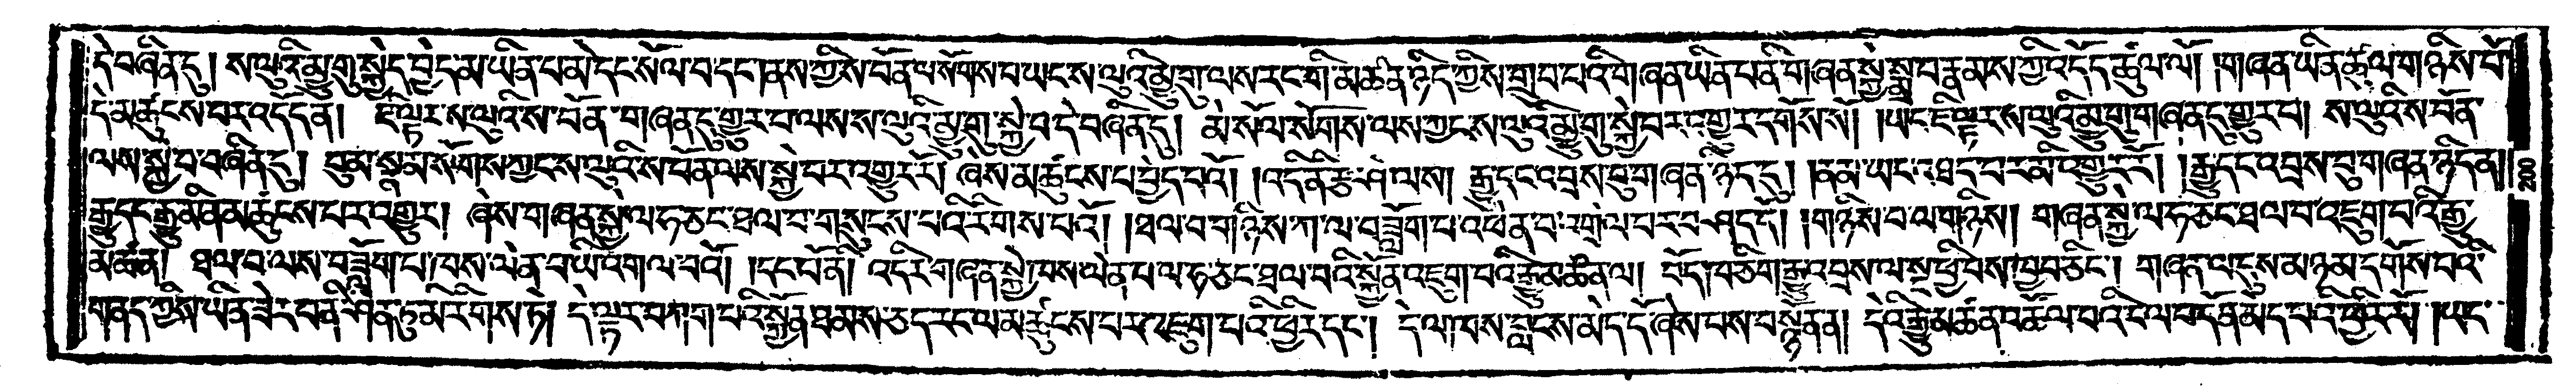དེ་བཞིན་དུ། ས་ལུའི་མྱུ་གུ་སྐྱེད་བྱེད་མ་ཡིན་པ་མེ་དང་སོལ་བ་དང་། ནས་ཀྱི་ས་བོན་ལ་སོགས་པ་ཡང་ས་ལུའི་མྱུ་གུ་ལས་རང་གི་མཚན་ཉིད་ཀྱིས་གྲུབ་པའི་གཞན་ཡིན་པ་ནི་གཞན་སྐྱེ་སྨྲ་བ་རྣམས་ཀྱི་འདོད་ཚུལ་ལོ། །གཞན་ཡིན་ཚུལ་གཉིས་པོ་
དེ་མཚུངས་པར་འདོད་ན། ཇི་ལྟར་ས་ལུའི་ས་བོན་གཞན་དུ་གྱུར་པ་ལས་ས་ལུའི་མྱུ་གུ་སྐྱེ་བ་དེ་བཞིན་དུ། མེ་སོལ་སོགས་ལས་ཀྱང་ས་ལུའི་མྱུ་གུ་སྐྱེ་བར་འགྱུར་དགོས་སོ། །ཡང་ཇི་ལྟར་ས་ལུའི་མྱུ་གུ་གཞན་དུ་གྱུར་པ། ས་ལུའི་ས་བོན་
ལས་སྐྱེ་བ་བཞིན་དུ། བུམ་སྣམ་སོགས་ཀྱང་ས་ལུའི་ས་བོན་ལས་སྐྱེ་བར་འགྱུར་རོ། ཞེས་མཚུངས་པ་བྱེད་པའོ། །འདི་ནི་རྩ་ཤེ་ལས། རྒྱུ་དང་འབྲས་བུ་གཞན་ཉིད་དུ། །ནམ་ཡང་འཐད་པར་མི་འགྱུར་རོ། །རྒྱུ་དང་འབྲས་བུ་གཞན་ཉིད་ན།
རྒྱུ་དང་རྒྱུ་མིན་མཚུངས་པར་འགྱུར། ཞེས་གཞན་སྐྱེ་ལ་ཧ་ཅང་ཐལ་བ་གསུངས་པའི་རིགས་པའོ། །ཐལ་བ་གཉིས་ཀ་ལ་བཟློག་པ་འཕེན་པ་འགྲེལ་པར་བཤད་དོ། །གཉིས་པ་ལ་གཉིས། གཞན་སྐྱེ་ལ་ཧ་ཅང་ཐལ་བ་འཇུག་པའི་རྒྱུ་
མཚན། ཐལ་བ་ལས་བཟློག་པ་ཁས་ལེན་པ་ཡི་འགལ་བའོ། །དང་པོ་ནི། འདིར་གཞན་སྐྱ་ཁས་ལེན་པ་ལ་ཧ་ཅང་ཐལ་བའི་སྐྱོན་འཇུག་པའི་རྒྱུ་མཚན་ལ། བོད་ཁ་ཅིག་རྒྱུ་འབྲས་ལ་སྔ་ཕྱི་བས་ཁྱབ་ཅིང་། གཞན་ལ་དུས་མཉམ་དགོས་པའི་
གནད་ཀྱིས་ཡིན་ཟེར་བ་ནི་ཤིན་ཏུ་མི་རིགས་ཏེ། དེ་ལྟར་བཀག་པའི་སྐྱོན་ཐམས་ཅད་རང་ལ་མཚུངས་པར་འཇུག་པའི་ཕྱིར་དང་། དེ་ལ་ཁས་བླངས་མེད་དོ་ཞེས་པས་བསྙོན་ན། དེའི་རྒྱུ་མཚན་འཚལ་བའི་ངལ་བ་དོན་མེད་པའི་ཕྱིར་རོ། །ཡང་